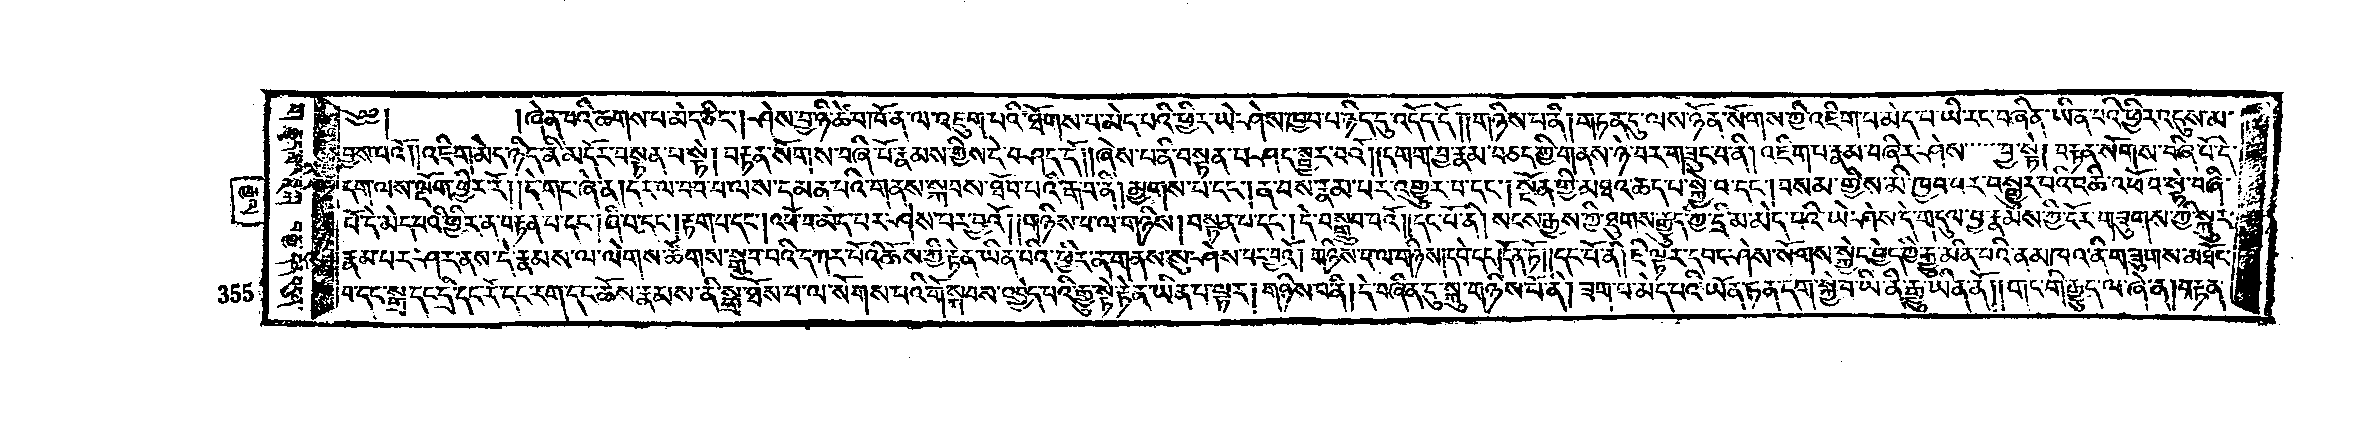༄༅། །ཞེན་པའི་ཆགས་པ་མེད་ཅིང་། ཤེས་བྱ་ཉི་ཚེ་བ་ཁོ་ན་ལ་འཇུག་པའི་ཐོགས་པ་མེད་པའི་ཕྱིར་ཡེ་ཤེས་ཁྱབ་པ་ཉིད་དུ་འདོད་དོ། །གཉིས་པ་ནི། གཏན་དུ་ལས་ཉོན་སོགས་ཀྱི་འཇིག་པ་མེད་པ་ཡི་རང་བཞིན་ཡིན་པའི་ཕྱིར་འདུས་མ་
བྱས་པའོ། །འཇིག་མེད་ཉིད་ནི་མདོར་བསྟན་པ་སྟེ། བརྟན་སོགས་བཞི་པོ་རྣམས་ཀྱིས་དེ་བཤད་དོ། །ཞེས་པ་ནི་བསྟན་བཤད་སྦྱར་བའོ། །དགག་བྱ་རྣམ་བཅད་ཀྱི་གནས་ཉེ་བར་གཟུང་བ་ནི། འཇིག་པ་རྣམ་བཞིར་ཤེས་བྱ་སྟེ། བརྟན་སོགས་བཞི་པོ་དེ་
དག་ལས་ལྡོག་ཕྱིར་རོ། །དེ་གང་ཞེ་ན། དར་ལ་བབ་པ་ལས་དམན་པའི་གནས་སྐབས་ཐོབ་པའི་རྒ་བ་ནི། མྱགས་པ་དང་། ན་བས་རྣམ་པར་འགྱུར་བ་དང་། སྔོན་གྱི་མཐའ་ཆད་པ་སྐྱེ་བ་དང་། བསམ་གྱིས་མི་ཁྱབ་པར་བསྒྱུར་པའི་འཆི་འཕོ་བ་སྟེ་བཞི་
པོ་དེ་མེད་པའི་ཕྱིར་ན་བརྟན་པ་དང་། ཞི་བ་དང་། རྟག་པ་དང་། འཕོ་བ་མེད་པར་ཤེས་པར་བྱའོ། །གཉིས་པ་ལ་གཉིས། བསྟན་པ་དང་། དེ་བསྒྲུབ་པའོ། །དང་པོ་ནི། སངས་རྒྱས་ཀྱི་ཐུགས་རྒྱུད་ཀྱི་དྲི་མ་མེད་པའི་ཡེ་ཤེས་དེ་གདུལ་བྱ་རྣམས་ཀྱི་ངོར་གཟུགས་ཀྱི་སྐུར་
རྣམ་པར་ཤར་ནས་དེ་རྣམས་ལ་ལེགས་ཚོགས་སྒྲུབ་པའི་དཀར་པོའི་ཆོས་ཀྱི་རྟེན་ཡིན་པའི་ཕྱིར་ན་གནས་སུ་ཤེས་པར་བྱའོ། །གཉིས་པ་ལ་གཉིས། དཔེ་དང་། དོན་ཏོ། །དང་པོ་ནི། ཇི་ལྟར་དབང་ཤེས་སོགས་སྐྱེད་བྱེད་ཀྱི་རྒྱུ་མིན་པའི་ནམ་མཁའ་ནི་གཟུགས་མཐོང་
བ་དང་སྒྲ་དང་དྲི་དང་རོ་དང་རེག་དང་ཆོས་རྣམས་ནི་སྒྲ་ཐོས་པ་ལ་སོགས་པའི་གོ་སྐབས་འབྱེད་པའི་རྒྱུ་སྟེ་རྟེན་ཡིན་པ་ལྟར། གཉིས་པ་ནི། དེ་བཞིན་དུ་སྐུ་གཉིས་པོ་ནི། ཟག་པ་མེད་པའི་ཡོན་ཏན་དག་སྐྱེ་བ་ཡི་ནི་རྒྱུ་ཡིན་ནོ། །གང་གི་རྒྱུད་ལ་ཞེ་ན། བརྟན་